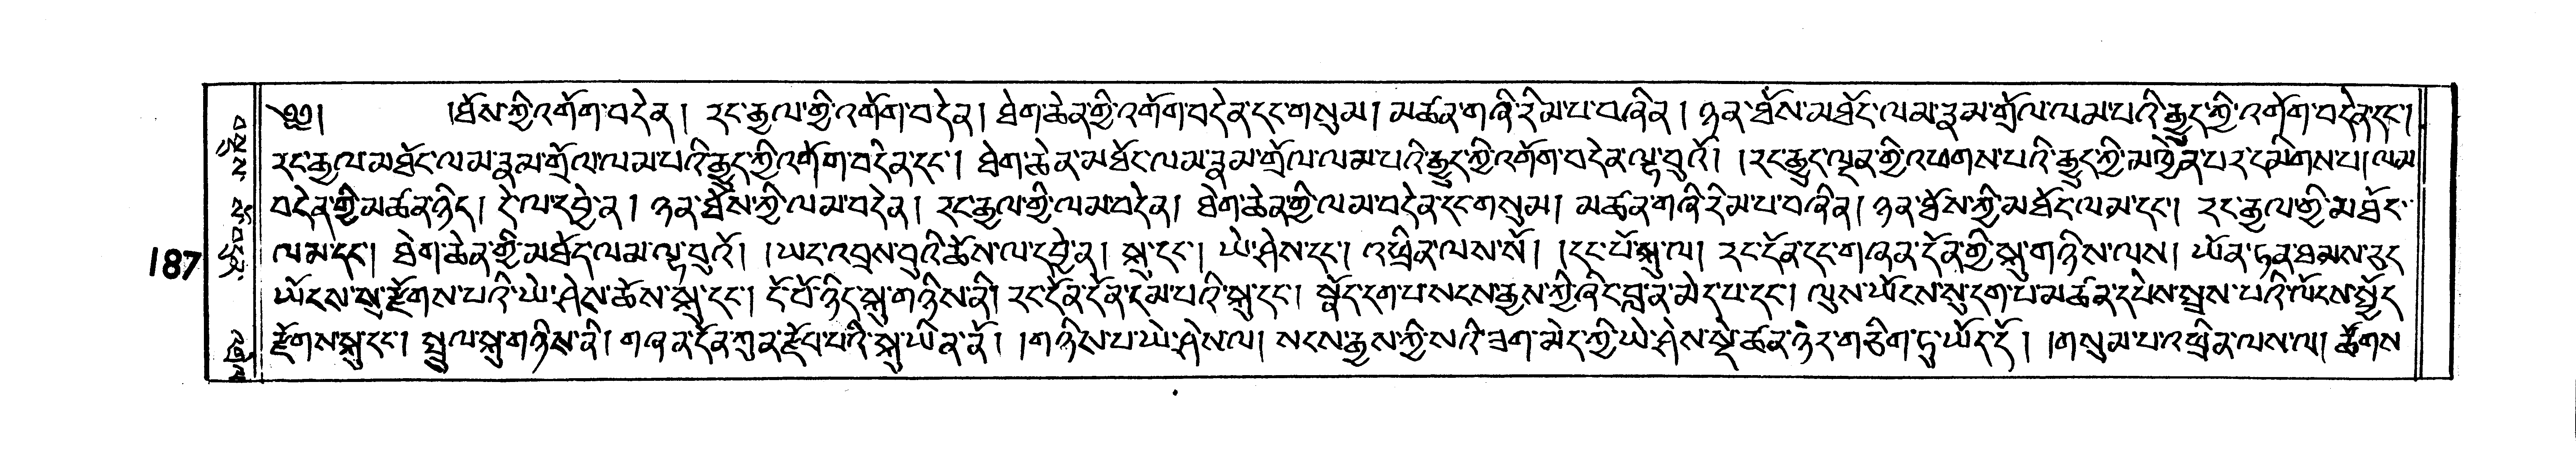༄༅། །ཐོས་ཀྱི་འགོག་བདེན། རང་རྒྱལ་གྱི་འགོག་བདེན། ཐེག་ཆེན་གྱི་འགོག་བདེན་དང་གསུམ། མཚན་གཞི་རིམ་པ་བཞིན། ཉན་ཐོས་མཐོང་ལམ་རྣམ་གྲོལ་ལམ་པའི་རྒྱུད་ཀྱི་འགོག་བདེན་དང་།
རང་རྒྱལ་མཐོང་ལམ་རྣམ་གྲོལ་ལམ་པའི་རྒྱུད་ཀྱི་འགོག་བདེན་དང་། ཐེག་ཆེན་མཐོང་ལམ་རྣམ་གྲོལ་ལམ་པའི་རྒྱུད་ཀྱི་འགོག་བདེན་ལྟ་བུའོ། །རང་རྒྱུད་ལྡན་གྱི་འཕགས་པའི་རྒྱུད་ཀྱི་མཁྱེན་པར་དམིགས་པ། ལམ་
བདེན་གྱི་མཚན་ཉིད། དེ་ལ་དབྱེ་ན། ཉན་ཐོས་ཀྱི་ལམ་བདེན། རང་རྒྱལ་གྱི་ལམ་བདེན། ཐེག་ཆེན་གྱི་ལམ་བདེན་དང་གསུམ། མཚན་གཞི་རིམ་པ་བཞིན། ཉན་ཐོས་ཀྱི་མཐོང་ལམ་དང་། རང་རྒྱལ་གྱི་མཐོང་
ལམ་དང་། ཐེག་ཆེན་གྱི་མཐོད་ལམ་ལྟ་བུའོ། །ཡང་འབྲས་བུའི་ཆོས་ལ་དབྱེ་ན། སྐུ་དང་། ཡེ་ཤེས་དང་། འཕྲིན་ལས་སོ། །དང་པོ་སྐུ་ལ། རང་དོན་དང་གཞན་དོན་གྱི་སྐུ་གཉིས་ལས། ཡོན་ཏན་ཐམས་ཅད་
ཡོངས་སུ་རྫོགས་པའི་ཡེ་ཤེས་ཆོས་སྐུ་དང་། ངོ་བོ་ཉིད་སྐུ་གཉིས་ནི། རང་དོན་དོན་དམ་པའི་སྐུ་དང་། སྣོད་དག་པ་སངས་རྒྱས་ཀྱི་ཞིང་བླ་ན་མེད་པ་དང་། ལུས་ཡོངས་སུ་དག་པ་མཚན་དཔེས་སྤྲས་པའི་ལོངས་སྤྱོད་
རྫོགས་སྐུ་དང་། སྤྲུལ་སྐུ་གཉིས་ནི། གཞན་དོན་ཀུན་རྫོབ་པའི་སྐུ་ཡིན་ནོ། །གཉིས་པ་ཡེ་ཤེས་ལ། སངས་རྒྱས་ཀྱི་སའི་ཟག་མེད་ཀྱི་ཡེ་ཤེས་སྡེ་ཚན་ཉེར་གཅིག་ཏུ་ཡོད་དོ། །གསུམ་པ་འཕྲིན་ལས་ལ། ཚོགས་